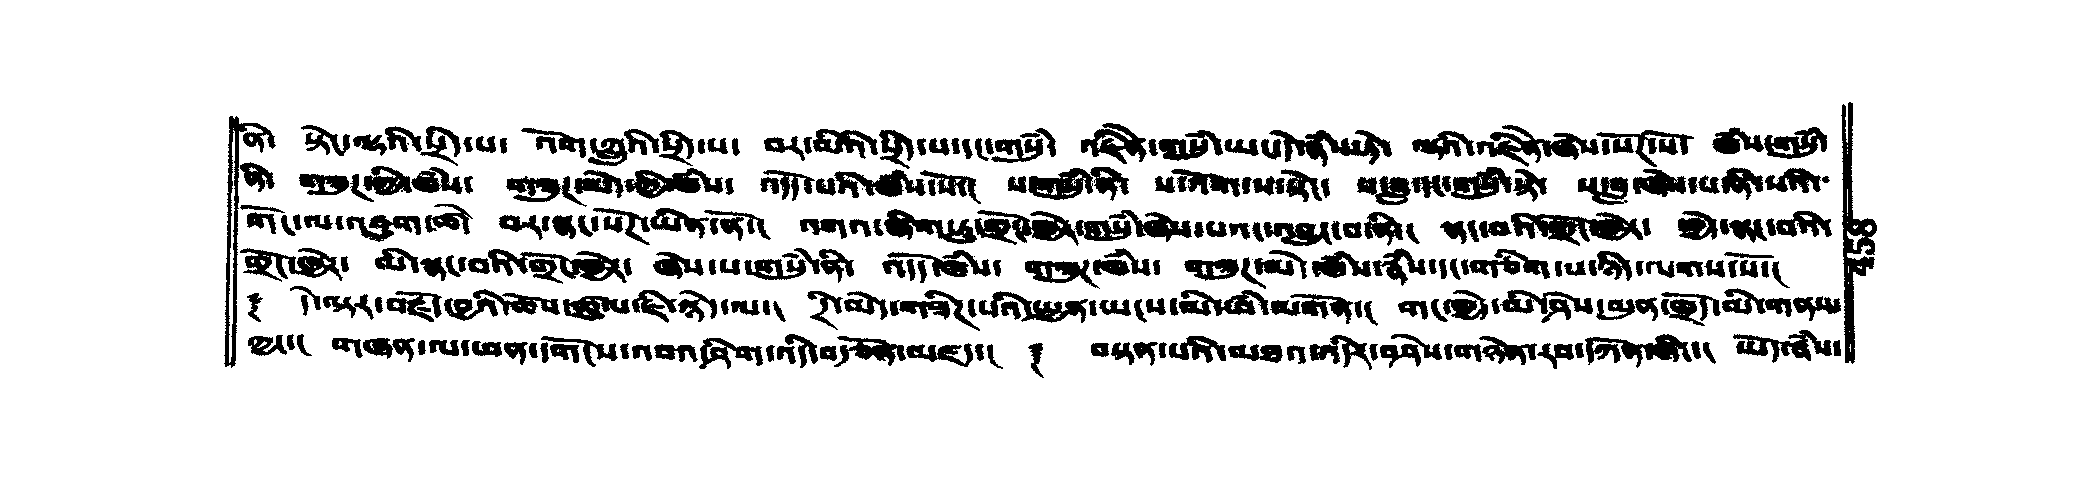ནི། སྟེང་ལྷའི་སྲིད་པ། འོག་ཀླུའི་སྲིད་པ། བར་མིའི་སྲིད་པ་དང་གསུམ། འཇིག་རྟེན་གསུམ་ཡང་དེ་རྣམས་ཏེ། ལྷའི་འཇིག་རྟེན་ཞེས་སོགས་སོ། ཁམས་གསུམ་
ནི། གཟུགས་ཀྱི་ཁམས། གཟུགས་མེད་ཀྱི་ཁམས། འདོད་པའི་ཁམས་སོ། ས་གསུམ་ནི། ས་འོག་ས་སྟེང་། ས་བླ་དང་གསུམ་སྟེ། ས་བླ་ཞེས་པ་ནི་སའི་
གོང་ལ་འཇུག་ཚེ། བར་སྣང་སོགས་ཡིན་ནོ། འགའ་ཞིག་ཏུ་གྲོང་ཁྱེར་གསུམ་ཞེས་པའང་འབྱུང་བ་ནི། སྣང་བའི་གྲོང་ཁྱེར། ཕྱེད་སྣང་བའི་
གྲོང་ཁྱེར། མི་སྣང་བའི་གྲོང་ཁྱེར། ཞེས་པ་གསུམ་ནི། འདོད་ཁམས། གཟུགས་ཁམས། གཟུགས་མེད་ཁམས་རྣམས་དང་གཅིག་པ་ཉིད་ལགས་སོ།། 
དེ་ལྟར་བརྗོད་བྱའི་ཆོས་ཚུལ་ཇི་སྙེད་ལ། །དྲི་མེད་གཟིགས་པའི་སྤྱན་ཡངས་མི་ཕམ་མགོན། །གང་ཁྱེད་མི་ཤེས་མུན་ཁྲོད་མི་གནས་
ཀྱང་། །གཞན་ལ་ཕན་དགོངས་འབའ་ཤིག་འདིར་བརྩོན་མཛད། བསྟན་པའི་མཐའ་འདིར་བཤེས་གཉེན་རབ་དཀོན་ཞིང་། །ཡོད་རྣམས་